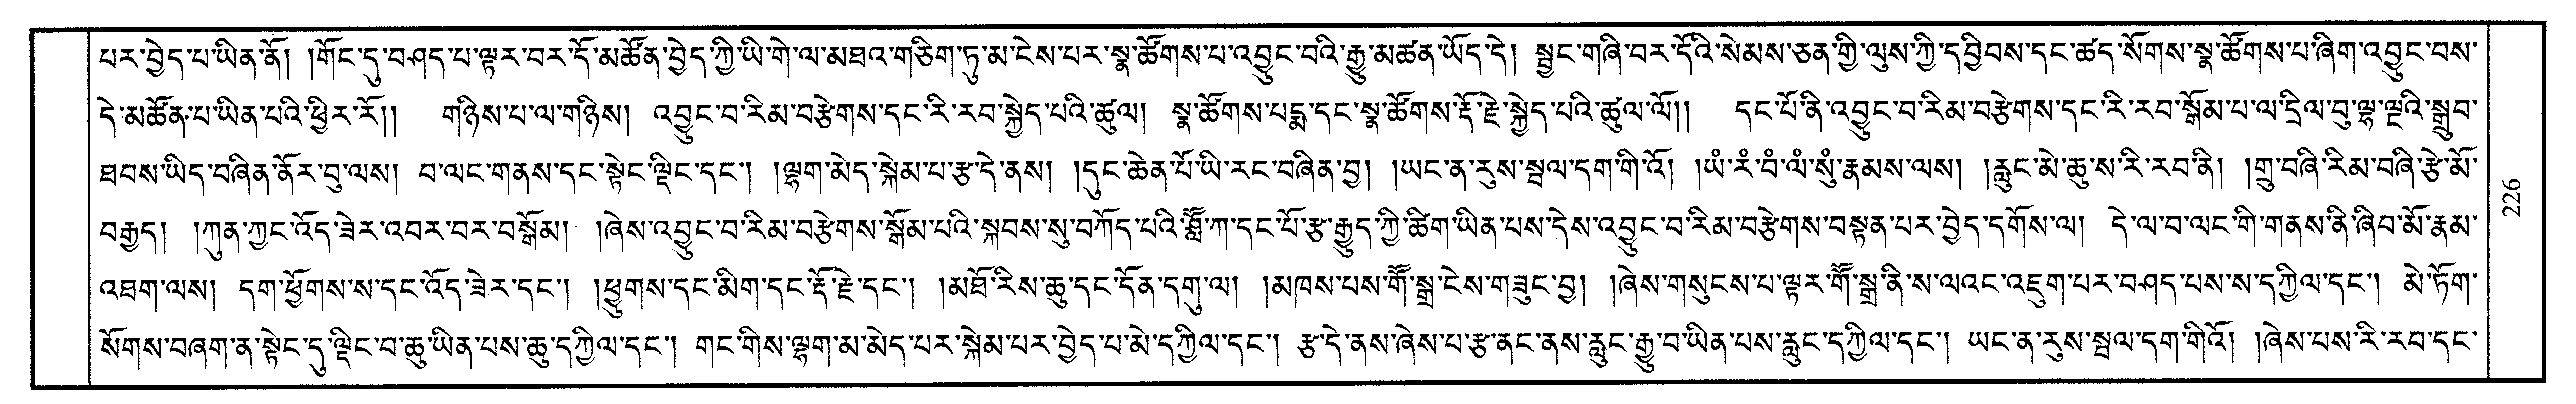པར་བྱེད་པ་ཡིན་ནོ། །གོང་དུ་བཤད་པ་ལྟར་བར་དོ་མཚོན་བྱེད་ཀྱི་ཡི་གེ་ལ་མཐའ་གཅིག་ཏུ་མ་ངེས་པར་སྣ་ཚོགས་པ་འབྱུང་བའི་རྒྱུ་མཚན་ཡོད་དེ། སྦྱང་གཞི་བར་དོའི་སེམས་ཅན་གྱི་ལུས་ཀྱི་དབྱིབས་དང་ཚད་སོགས་སྣ་ཚོགས་པ་ཞིག་འབྱུང་བས་
དེ་མཚོན་པ་ཡིན་པའི་ཕྱིར་རོ།། གཉིས་པ་ལ་གཉིས། འབྱུང་བ་རིམ་བརྩེགས་དང་རི་རབ་སྐྱེད་པའི་ཚུལ། སྣ་ཚོགས་པདམ་དང་སྣ་ཚོགས་རྡོ་རྗེ་སྐྱེད་པའི་ཚུལ་ལོ།། དང་པོ་ནི་འབྱུང་བ་རིམ་བརྩེགས་དང་རི་རབ་སྒོམ་པ་ལ་དྲིལ་བུ་ལྷ་ལྔའི་སྒྲུབ་
ཐབས་ཡིད་བཞིན་ནོར་བུ་ལས། བ་ལང་གནས་དང་སྟེང་ལྡིང་དང་། །ལྷག་མེད་སྐེམ་པ་རྩ་དེ་ནས། །དུང་ཆེན་པོ་ཡི་རང་བཞིན་བྱ། །ཡང་ན་རུས་སྦལ་དག་གི་འོ། །ཡཾ་རཾ་བཾ་ལཾ་སུཾ་རྣམས་ལས། །རླུང་མེ་ཆུ་ས་རི་རབ་ནི། །གྲུ་བཞི་རིམ་བཞི་རྩེ་མོ་
བརྒྱད། །ཀུན་ཀྱང་འོད་ཟེར་འབར་བར་བསྒོམ། །ཞེས་འབྱུང་བ་རིམ་བརྩེགས་སྒོམ་པའི་སྐབས་སུ་བཀོད་པའི་ཤླཽ་ཀ་དང་པོ་རྩ་རྒྱུད་ཀྱི་ཚིག་ཡིན་པས་དེས་འབྱུང་བ་རིམ་བརྩེགས་བསྟན་པར་བྱེད་དགོས་ལ། དེ་ལ་བ་ལང་གི་གནས་ནི་ཞིབ་མོ་རྣམ་
འཐག་ལས། དག་ཕྱོགས་ས་དང་འོད་ཟེར་དང་། །ཕྱུགས་དང་མིག་དང་རྡོ་རྗེ་དང་། །མཐོ་རིས་ཆུ་དང་དོན་དགུ་ལ། །མཁས་པས་གཽ་སྒྲ་ངེས་གཟུང་བྱ། །ཞེས་གསུངས་པ་ལྟར་གཽ་སྒྲ་ནི་ས་ལའང་འཇུག་པར་བཤད་པས་ས་དཀྱིལ་དང་། མེ་ཏོག་
སོགས་བཞག་ན་སྟེང་དུ་ལྡིང་བ་ཆུ་ཡིན་པས་ཆུ་དཀྱིལ་དང་། གང་གིས་ལྷག་མ་མེད་པར་སྐེམ་པར་བྱེད་པ་མེ་དཀྱིལ་དང་། རྩ་དེ་ནས་ཞེས་པ་རྩ་ནང་ནས་རླུང་རྒྱུ་བ་ཡིན་པས་རླུང་དཀྱིལ་དང་། ཡང་ན་རུས་སྦལ་དག་གིའོ། །ཞེས་པས་རི་རབ་དང་